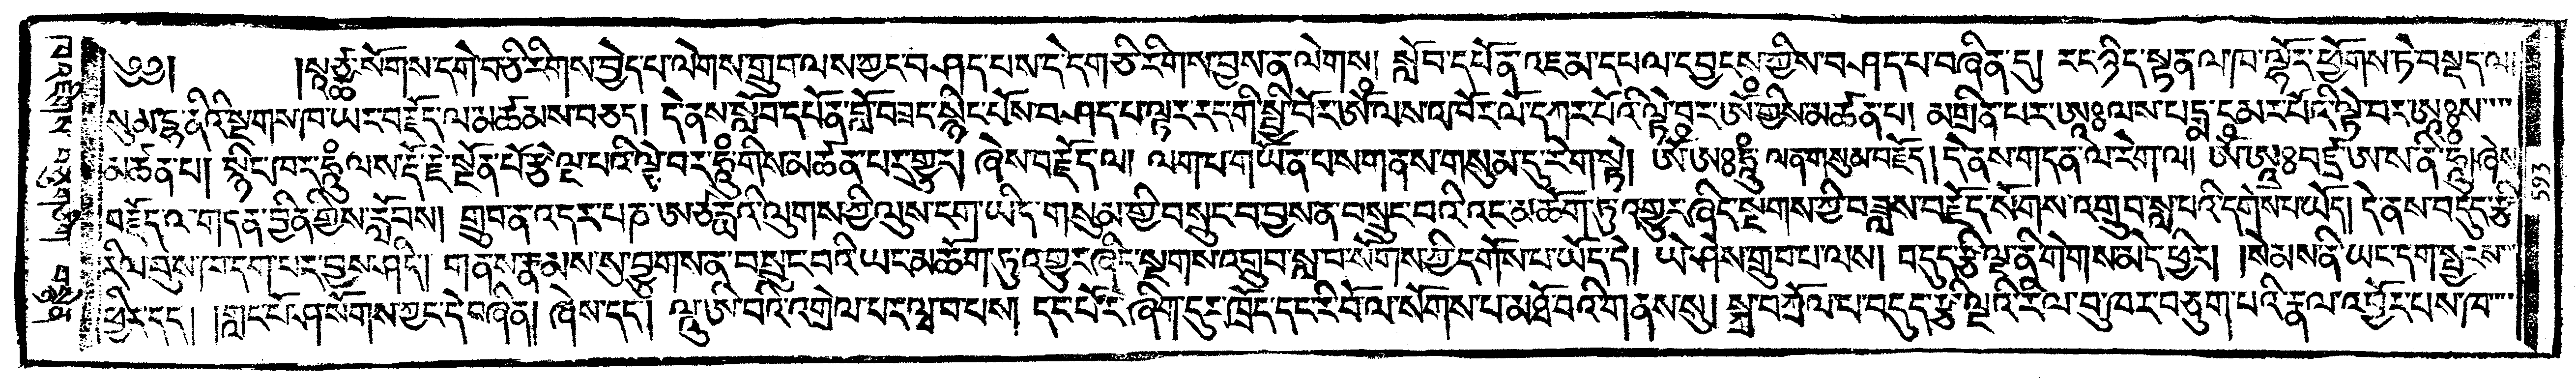༄༅། །སཱཙྪ་སོགས་དགེ་བ་ཅི་རིགས་བྱེད་པ་ལེགས་གྲུབ་ལས་ཀྱང་བཤད་པས་དེ་དག་ཅི་རིགས་བྱས་ན་ལེགས། སློབ་དཔོན་འཇམ་དཔལ་དབྱངས་ཀྱིས་བཤད་པ་བཞིན་དུ། རང་ཉིད་སྟན་ལ་ཁ་ལྷོར་ཕྱོགས་ཏེ་བསྡད་ལ་
སུམ་དྷ་ནིའི་སྔགས་ཁ་ཡར་བརྗོད་ལ་མཚམས་བཅད། དེ་ནས་སློབ་དཔོན་བློ་བཟང་སྙིང་པོས་བཤད་པ་ལྟར་རང་གི་སྤྱི་བོར་ཨོཾ་ལས་འཁོར་ལོ་དཀར་པོའི་ལྟེ་བར་ཨོཾ་གྱིས་མཚན་པ། མགྲིན་པར་ཨཱཿལས་པདམ་དམར་པོའི་ལྟེ་བར་ཨཱཿས་
མཚན་པ། སྙིང་ཁར་ཧཱུཾ་ལས་རྡོ་རྗེ་སྔོན་པོ་རྩེ་ལྔ་པའི་ལྟེ་བར་ཧཱུཾ་གིས་མཚན་པར་གྱུར། ཞེས་བརྗོད་ལ། ལག་པ་གཡོན་པས་གནས་གསུམ་དུ་རེག་སྟེ། ཨོཾ་ཨཱཿཧཱུཾ་ལན་གསུམ་བརྗོད། དེ་ནས་གདན་ལ་རེག་ལ། ཨོཾ་ཨཱཿབཛྲ་ཨ་ས་ནི་ཧཱུཾ། ཞེས་
བརྗོད་ལ་གདན་བྱིན་གྱིས་རློབས། གྲུབ་ན་འདར་པཎ་ཨ་ཙརྱའི་ལུགས་ཀྱི་ལུས་ངག་ཡིད་གསུམ་གྱི་བསྲུང་བ་བྱས་ན་བསྲུང་བའི་འང་མཆོག་ཏུ་འགྱུར་ཞིང་སྔགས་ཀྱི་བཟླས་བརྗོད་སོགས་འགྲུབ་སླ་པའི་དགོས་པ་ཡོད། དེ་ནས་བདུད་རྩི་
རིལ་བུས་ཁ་དག་པར་བྱས་ཤིང་། གནས་རྣམས་སུ་བྱུགས་ན་བསྲུང་བའི་ཡང་མཆོག་ཏུ་འགྱུར་ཞིང་སྔགས་འགྲུབ་སླ་བ་སོགས་ཀྱི་དགོས་པ་ཡོད་དེ། ཡེ་ཤེས་གྲུབ་པ་ལས། བདུད་རྩི་ལྔ་ནི་གེགས་མེད་ཕྱིར། །སེམས་ནི་ཡང་དག་སྦྱངས་
ཕྱིར་དང་། །གླང་པོ་ཤ་སོགས་ཀྱང་དེ་བཞིན། ཞེས་དང་། ལཱུ་ཨི་བའི་འགྲེལ་པར་ལྭ་བ་པས། དང་པོར་ཞིག་དུར་ཁྲོད་དང་རི་བོ་ལ་སོགས་པ་མཐོ་བའི་གནས་སུ། སྐྲ་བཀྲོལ་པ་བདུད་རྩི་ལྔའི་རིལ་བུ་ཁར་བཅུག་པའི་རྣལ་འབྱོར་པས་ཁ་